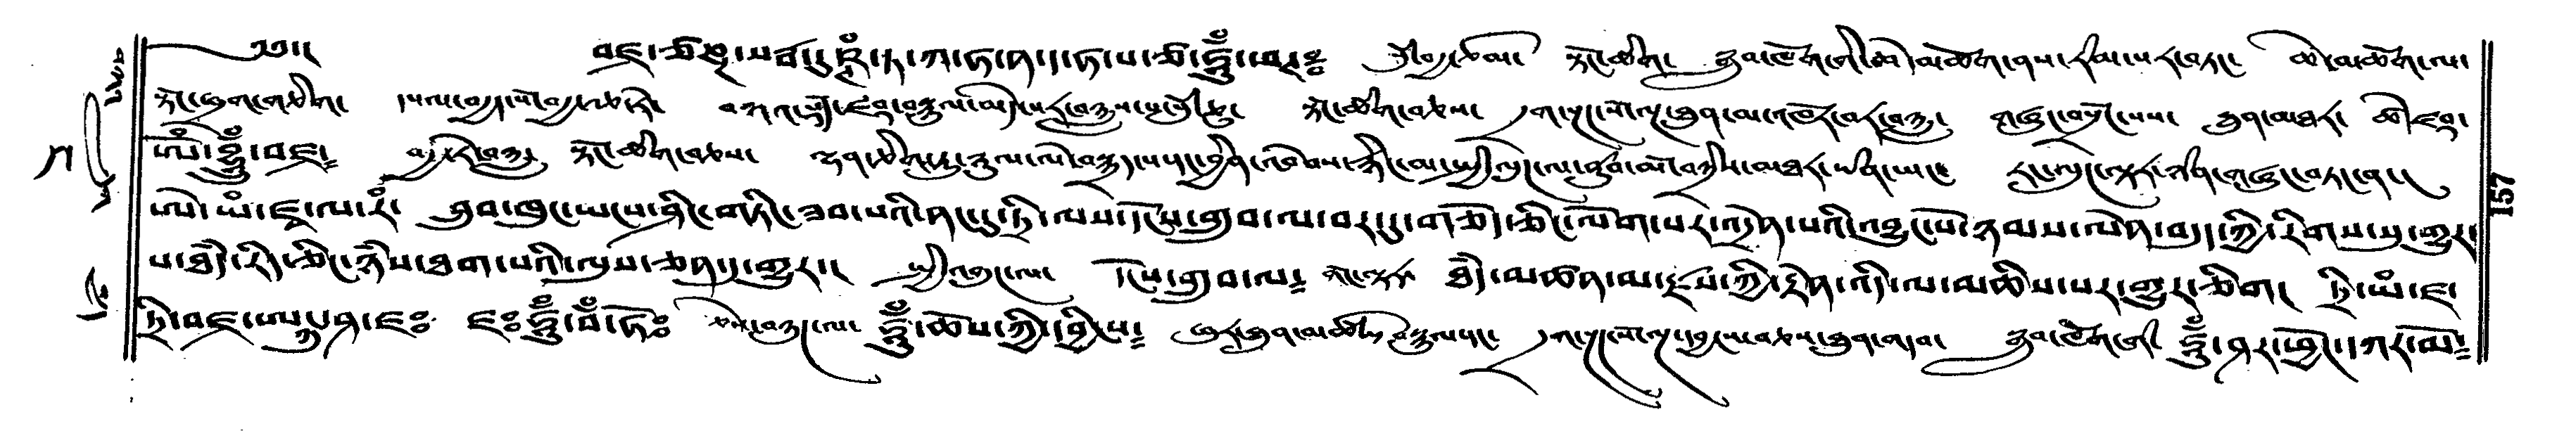བཛྲ་ཙཎྜ་སརྦ་དུཥྚན་ཏ་ཀ་ཧ་ན་ད་ཧ་པ་ཙ་ཧཱུྃ་ཕཊ༔ སུམ་བརྒྱ་ཙམ། སྟོང་ཚིག སྒྲུབ་ཁོག་གི་ཆེ་མཆོག་ནས་རིམ་པར་བཏང་། ཆེ་མཆོག་ལ་
སྟོང་ཕྲག་གཅིག དཔལ་བརྒྱད་སོ་སོར་བརྒྱ་རྩ་རེ། བཀའ་སྡོད་ཛབ་སྐུལ་མེད་པར་བཟླས་པ་སུམ་ཅུ། སྟོང་ཚིག་བཅས། དྲག་སྔགས་སོ་ལྔ་ཐུན་མ་འཁོར་བར་བཟླ། གཞུང་སྲོང་པས། ཐུན་མཐར་ ཚེ་ཛབ། 
ཨོཾ་བྷྲུྃ་བཛྲ༴ བརྒྱ་རེ་བཟླ། སྟོང་ཚིག་བཅས། ལྷན་ཅིག་ཏུ་ཉུལ་ལེ་བསྐྲད་པ་དང་བྱིན་འབེབས་རྙིང་མ་སྤྱི་ལུགས་ལ་ནུབ་མོ་བཀྲ་ཤིས་མཐར་ཡིན་ཡང་། རང་ལུགས་ལྟར་ཉིན་གཞུང་བཏང་ན། 
ཨེ་ཡཾ་ཛྭ་ལ་རཾ༔ བྲུབ་ཁུང་ཡངས་ཤིང་གཏིང་ཟབ་པའི་ནང་དུ་ཏྲི་ལས་དངོས་གྲུབ་ལ་བར་དུ་གཅོད་ཅིང་ལོག་པར་འདྲེན་པའི་འབྱུང་པོ་ཉམས་ལེན་བདུད་ཀྱི་རིགས་སུ་གྱུར་
པ་ཐམས་ཅད་རིད་ཅིང་ཉམ་ཐག་པའི་ལུས་ཅན་དུ་གྱུར༔ སྤྱི་འགུགས་ལ། དངོས་གྲུབ་ལ༴ གོང་ལྟར། ཐམས་ཅད་མཚན་མ་རྫས་ཀྱི་རྟེན་འདི་ལ་མཆིས་པར་གྱུར་ཅིག༔ ཏྲི་ཡཾ་ཛ་
ཏྲི་བཛྲ་ཨངྐུ་ཤ་ཛ༔ ཛཿཧཱུྃ་བྃ་ཧོ༔ ཅེས་བཀུག་ལ། ཧཱུྃ༔ ཆོས་ཀྱི་དབྱིངས༴ ཕུར་ཐུན་མཚན་བསྐུལ་དང་། དྲག་སྔགས་སོ་ལྔ་དབྱངས་བཅས་ཐུན་གདབ། སྒྲུབ་ཁོག་གི ཧཱུྃ༔ ཤར་ཕྱོགས་དཀར་མོ༴